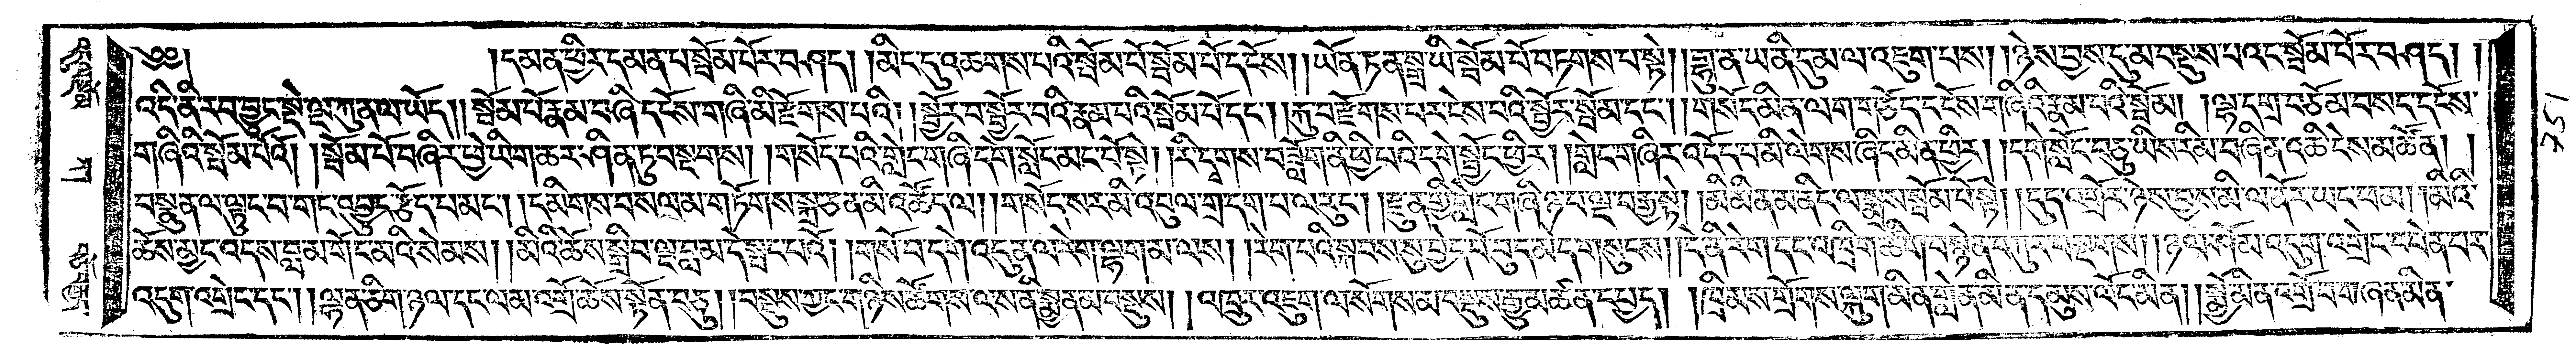༄༅། །དམན་ཕྱིར་དམན་པ་སྦོམ་པོར་བཤད། །མིང་དུ་འཆགས་པའི་སྦོམ་པོ་སྦོམ་པོ་དངོས། །ཡོན་ཏན་སྒྲ་ཡི་སྦོམ་པོ་བཏགས་པ་སྟེ། །གྷུ་ན་ཡ་ནི་དུམ་ལ་འཇུག་པས། །ཉེས་བྱས་དུ་མ་བསྡུས་པའང་སྦོམ་པོར་བཤད། །
འདི་ནི་རབ་བྱུང་སྡེ་ལྔ་ཀུན་ལ་ཡོད། །སྦོམ་པོ་རྣམ་བཞི་དངོས་གཞི་མི་རྫོགས་པའི། །སྦྱོར་བ་སྦྱོར་བའི་རྣམ་པའི་སྦོམ་པོ་དང་། །རྐུ་བ་རྫོགས་པར་ངེས་པའི་སྦྱོར་སྦོམ་དང་། །གསོང་མིན་ལག་གཅོད་དངོས་གཞིའི་རྣམ་པའི་སྦོམ། །ལྷ་དགྲ་བཅོམ་པ་དང་དངོས་
གཞིའི་སྦོམ་པའོ། །སྦོམ་པོ་བཞིར་ཕྱེ་ཡིག་ཆར་ཤིན་ཏུ་བསྔགས། །གསོད་པའི་གླེང་གཞི་དགེ་སློང་མང་པོ་སྟེ། །རི་དྭགས་བཟློག་ནི་ཕྱི་བའི་དགེ་སྦྱོད་ཕྱིར། །གླེང་གཞིར་འདོད་པ་མི་ལེགས་ཞིང་མིན་ཕྱིར། །དགེ་སློང་བཅུ་ཡིས་རིམ་བཞིན་འཆི་ངེས་མཚོན།།
བསྣུན་ལ་ལྟུང་བ་གང་འབྱུང་རྩོད་པ་མང་། །དམིགས་བསལ་མ་གཏོགས་སྐྲ་ཅན་མི་འཚོད་ལ། །གསོད་སར་མི་འབུལ་གྲ་དག་པ་ལ་རུང་། །རྫུན་གྱི་གླེང་གཞི་ཉ་པ་ལྔ་བརྒྱ་སྟེ། །མི་མིན་མ་ནིང་ལ་སྨྲས་སྦོམ་པོ་སྟེ། །དུད་འགྲོར་ཉེས་བྱས་མི་ལ་ནོར་ཡང་ཕམ། །མིའི་
ཆོས་མྱང་འདས་བླ་མ་གོང་མའི་སེམས། །མིའི་ཆོས་སྒྲིབ་ལྔ་བླ་མ་དེ་སྤང་པའོ། །གསོ་བ་དགེ་འདུན་ལ་རེག་ལྷག་མ་ལས། །རེག་པའི་སྐབས་སུ་བྱེད་པོ་བུད་མེད་གསུངས། །དེ་ནི་རེག་དང་འཁྲིག་ཚིག་བསྙེན་བཀུར་བསྔགས། །ཉལ་ཤོམ་འདུག་འགྲེང་དབེན་པར་
འདུག་འགྲེང་དང་། །ལྷན་ཅིག་ཉལ་དང་ལམ་འགྲོ་ཆོས་སྟོན་བཅུ། །བསྡུས་ཀྱང་གཉིས་ཚོགས་ལས་ནི་སྨྱན་མ་བསྡུས། །འཁྲུར་འཇུག་ལ་སོགས་མ་བསྡུས་རྒྱུ་མཚན་དཔྱད། །ཁྲིམས་གྲོགས་ལྐུག་མིན་གླེན་མིན་དམུས་ལོང་མིན། །སྨྱོ་མིན་འགྲོ་བ་གཞན་མིན་